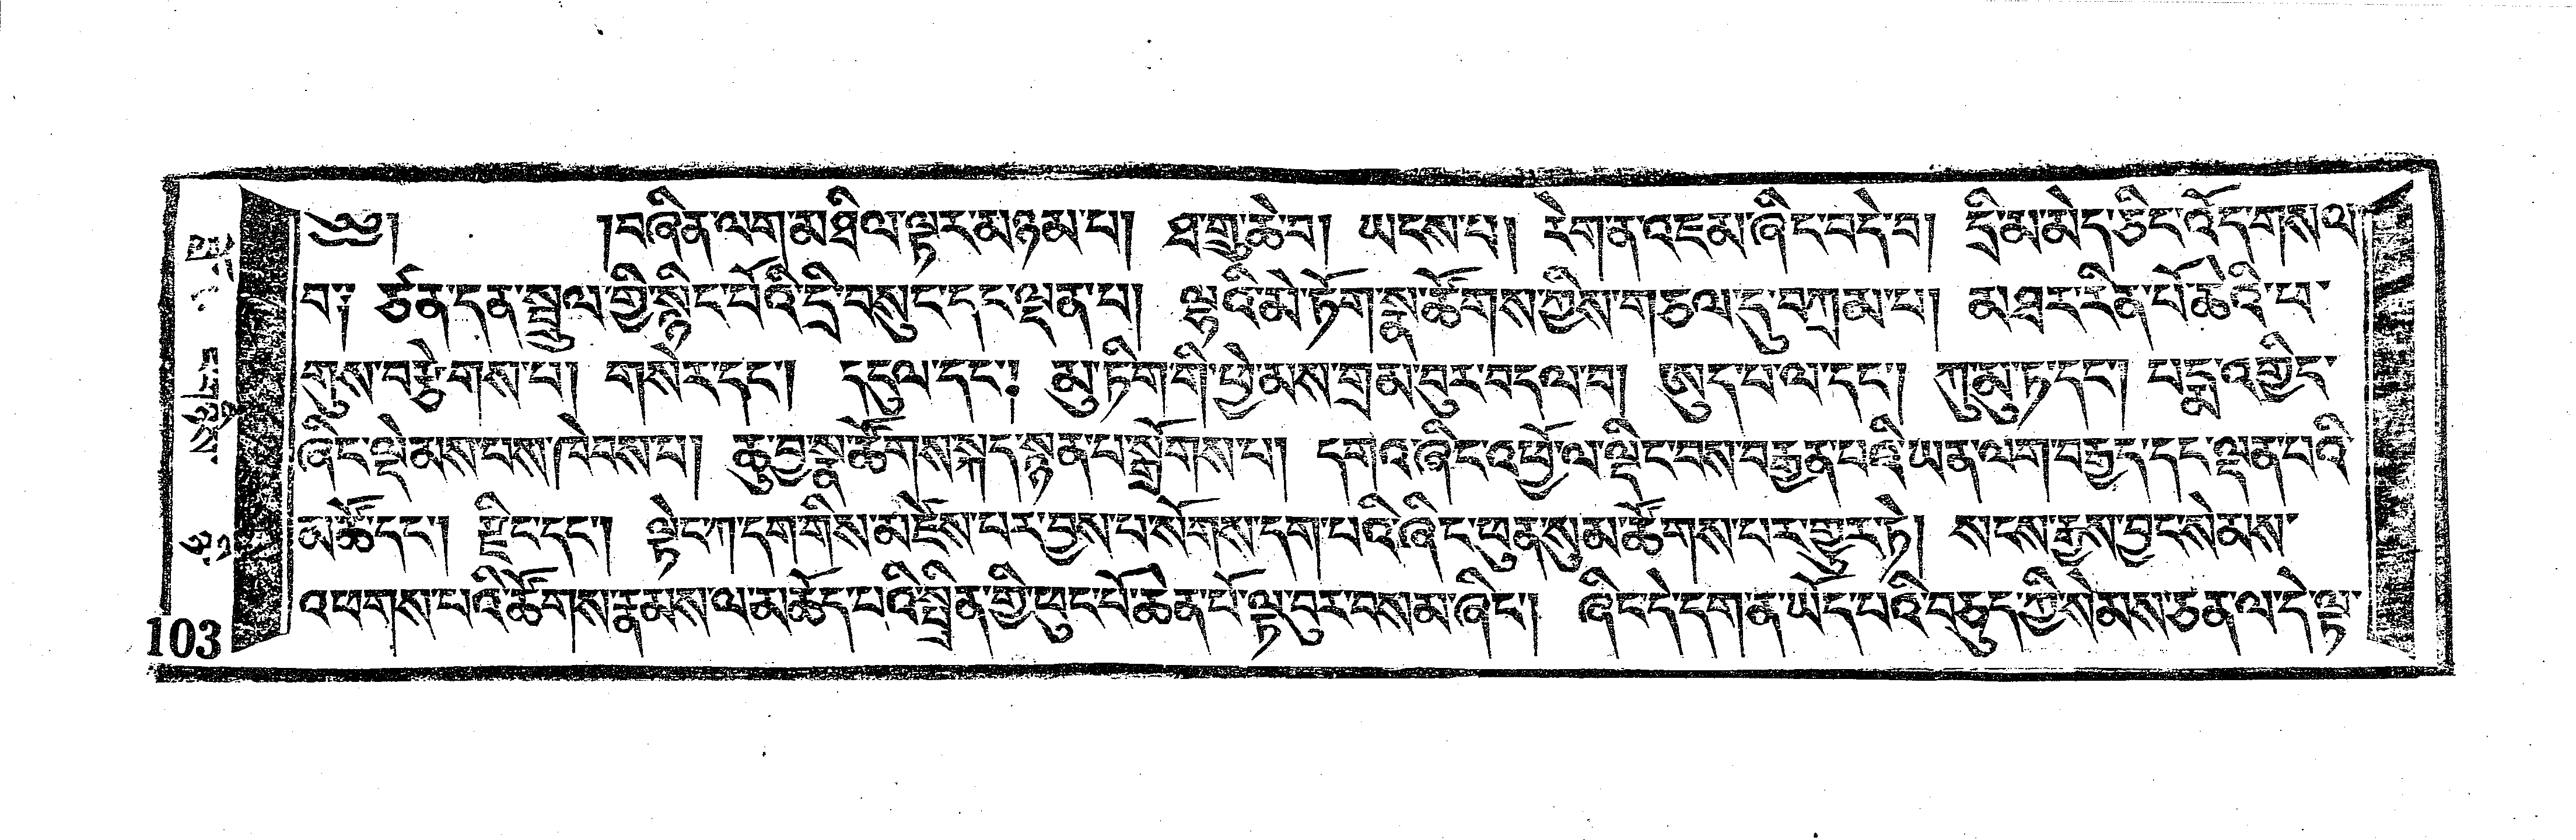༄༅། །བཞིན་ལག་མཐིལ་ལྟར་མཉམ་པ། ཐ་གྲུ་ཆེ་བ། ཡངས་པ། རེག་ན་འཇམ་ཞིང་བདེ་བ། དྲི་མ་མེད་ཅིང་འོད་གསལ་
བ༑ ཙན་དན་སྦྲུལ་གྱི་སྙིང་པོའི་དྲི་བསུང་དང་ལྡན་པ། ལྷའི་མེ་ཏོག་སྣ་ཚོགས་ཀྱིས་གཅལ་དུ་བཀྲམ་པ། མཐར་རིན་པོ་ཆེའི་ཕ་
གུས་བརྩེགས་པ། གསེར་དང་། དངུལ་དང་། མུ་ཏིག་གི་ཕྱེ་མས་གྲམ་བུར་བདལ་བ། ཨུད་པ་ལ་དང་། ཀུ་མུ་ཏ་དང་། པདམ་འགྱིང་
ཞིང་ལྡེམས་པས་ཁེབས་པ། ཆུ་བྱ་སྣ་ཚོགས་སྐད་སྙན་པ་སྒྲོགས་པ། དགའ་ཞིང་འཕྱོ་ལ་ལྡིང་བས་བརྒྱན་པའི་ཡན་ལག་བརྒྱད་དང་ལྡན་པའི་
མཚོ་དང་། རྫིང་དང་། ལྟེང་ཀ་དག་གིས་མཛེས་པར་བྱས་པ་སོགས་དག་པའི་ཞིང་ཕུན་སུམ་ཚོགས་པར་གྱུར་ཏེ། སངས་རྒྱས་བྱང་སེམས་
འཕགས་པའི་ཚོགས་རྣམས་ལ་མཆོད་པའི་སྤྲིན་གྱི་ཕུང་པོ་ཆེན་པོ་ལྟ་བུར་བསམ་ཞིང་། ཞིང་དེ་དག་ན་ཡོད་པའི་བཅུད་ཀྱི་སེམས་ཅན་ལ་དེ་ལྟ་